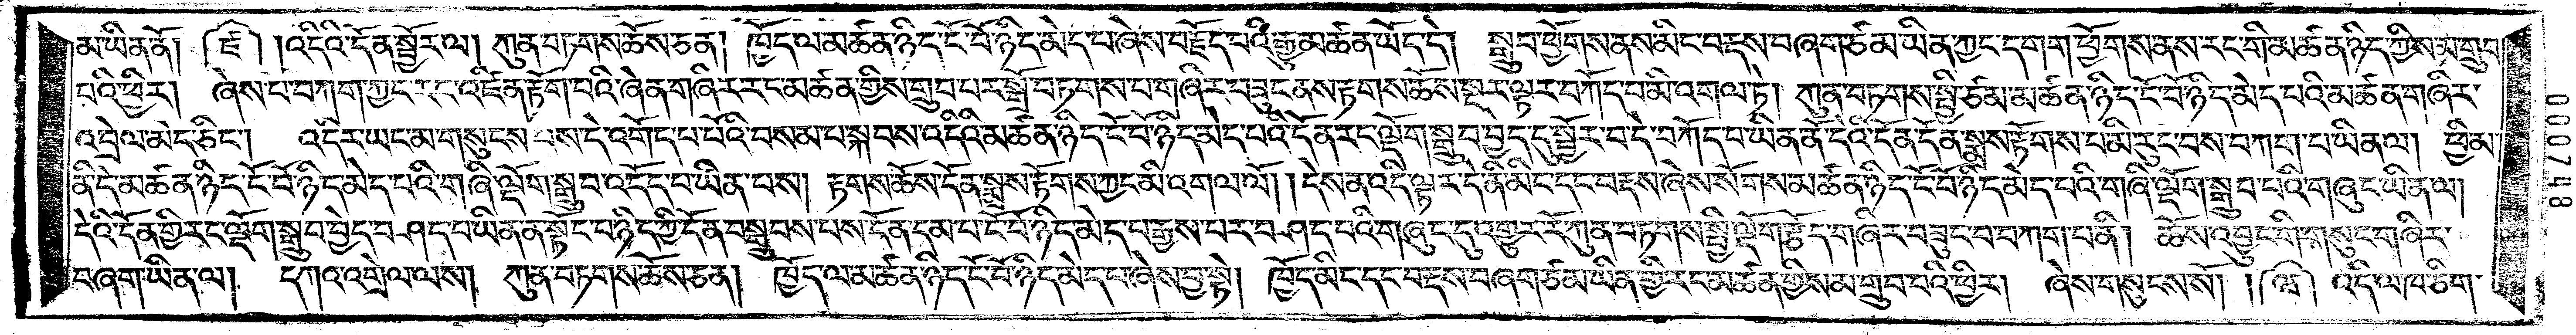མ་ཡིན་ནོ། ༼ཛ༽ །འདིའི་དོན་སྦྱོར་ལ། ཀུན་བཏགས་ཆོས་ཅན། ཁྱོད་ལ་མཚན་ཉིད་ངོ་བོ་ཉིད་མེད་པ་ཞེས་བརྗོད་པའི་རྒྱུ་མཚན་ཡོད་དེ། སྒྲུབ་ཕྱོགས་ནས་མིང་བརྡས་བཞག་ཙམ་ཡིན་ཀྱང་དགག་ཕྱོགས་ནས་རང་གི་མཚན་ཉིད་ཀྱིས་མ་གྲུབ་
པའི་ཕྱིར། ཞེས་པ་བཀག་ཀྱང་རང་འཛིན་རྟོག་པའི་ཞེན་གཞིར་རང་མཚན་གྱིས་གྲུབ་པར་སྒྲོ་བཏགས་པ་གཞིར་བཟུང་ནས་རྟགས་ཆོས་སྔར་ལྟར་བཀོད་པ་མི་འགལ་ཏེ། ཀུན་བཏགས་སྤྱི་ཙམ་མཚན་ཉིད་ངོ་བོ་ཉིད་མེད་པའི་མཚན་གཞིར་
འབྲེལ་མེད་ཅིང་། འདིར་ཡང་མ་གསུངས་བས་དེ་འགོད་པ་པོའི་བསམ་པ་སྐབས་འདིའི་མཚན་ཉིད་ངོ་བོ་ཉིད་མེད་པའི་དོན་རང་ལྡོག་སྒྲུབ་བྱེད་དུ་སྦྱོར་བ་དེ་བཀོད་པ་ཡིན་ནོ་དེའི་དོན་དོན་སྨྲས་རྟོགས་པ་མི་རུང་བས་བཀག་པ་ཡིན་ལ། ཕྱི་མ་
ནི་དེ་མཚན་ཉིད་ངོ་བོ་ཉིད་མེད་པའི་གཞི་ལྡོག་སྒྲུབ་འདོད་པ་ཡིན་པས། རྟགས་ཆོས་དོན་སྨྲས་རྟོགས་ཀྱང་མི་འགལ་ལོ། །དེས་ན་འདི་ལྟར་དེ་ནི་མིང་དང་བརྡས་ཞེས་སོགས་མཚན་ཉིད་ངོ་བོ་ཉིད་མེད་པའི་གཞི་ལྡོག་སྒྲུབ་པའི་གཞུང་ཡིན་ལ།
དེའི་དོན་གྱི་རང་ལྡོག་སྒྲུབ་བྱེད་བཤད་པ་ཡིན་ན་སྟོང་པ་ཉིད་ཀྱི་དོན་བསྒྲུབས་པས་དོན་དམ་པ་ངོ་བོ་ཉིད་མེད་པ་རྒྱས་པར་བཤད་པའི་གཞུང་དུ་འགྱུར་རོ་ཀུན་བཏགས་སྤྱི་ལྡོག་རྩོད་གཞིར་བཟུང་བ་བཀག་པ་ནི། ཆོས་འབྱུང་གི་གསུང་གཞིར་
བཞིག་ཡིན་ལ། དཀའ་འགྲེལ་ལས། ཀུན་བཏགས་ཆོས་ཅན། ཁྱོད་ལ་མཚན་ཉིད་ངོ་བོ་ཉིད་མེད་པ་ཞེས་བྱ་སྟེ། ཁྱོད་མིང་དང་བརྡས་བཞག་ཙམ་ཡིན་གྱི་རང་མཚན་གྱིས་མ་གྲུབ་པའི་ཕྱིར། ཞེས་གསུངས་སོ། །༼ཝ༽ འདི་ལ་ཁ་ཅིག་